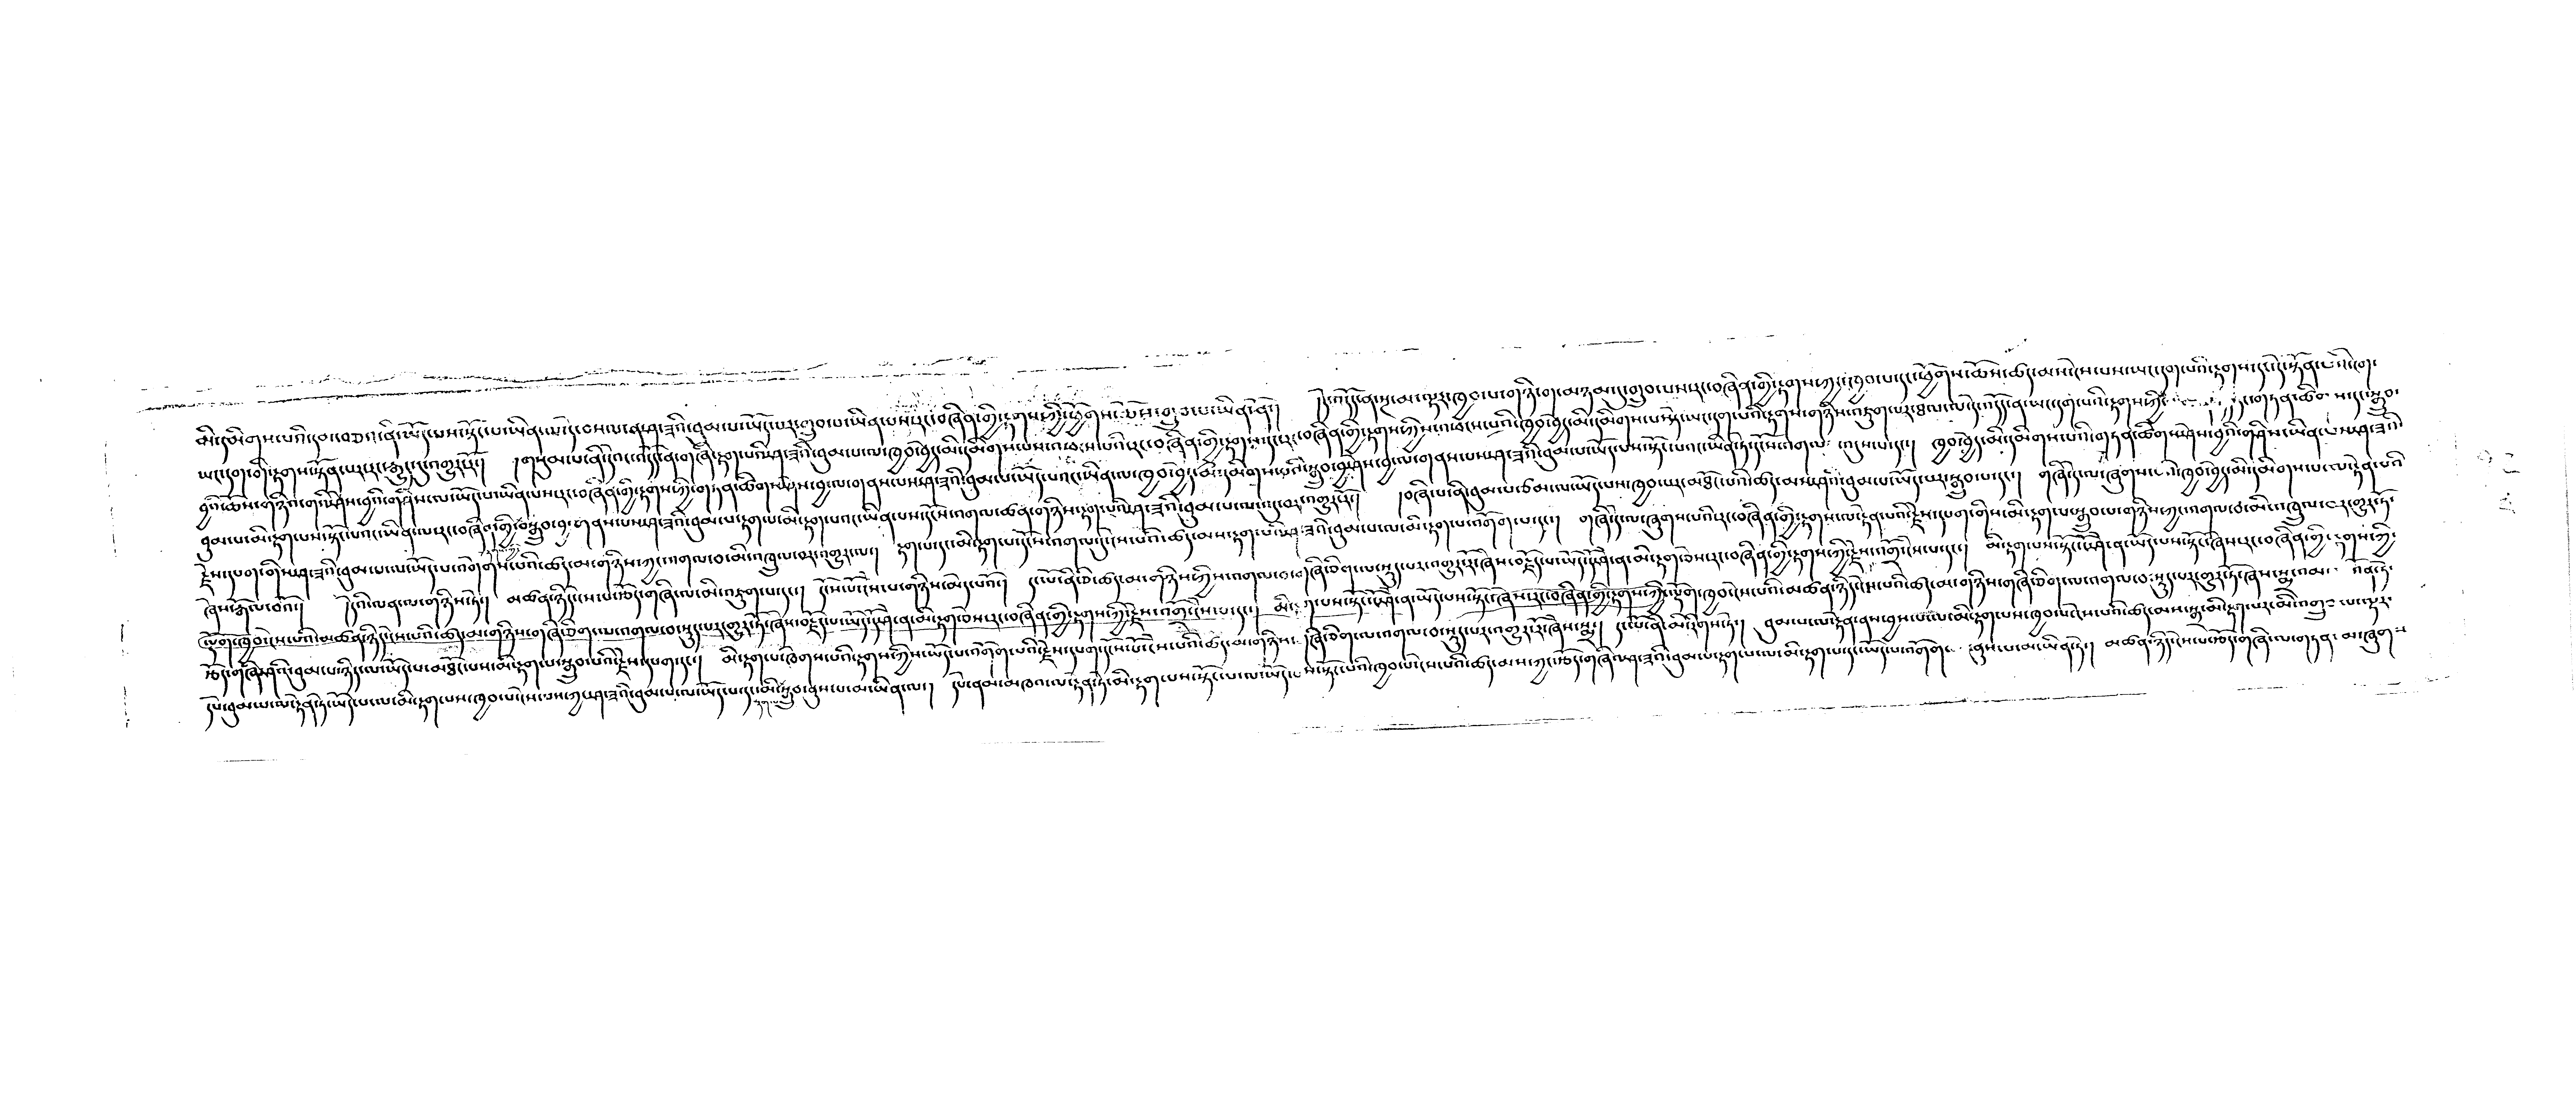མི་དམིགས་པའི་དམ་བཅའ་ནི་ཡོད་པས་སྟོང་པ་ཡིན་ལ་དེ་བསལ་ན་ཤ་ཟའི་བུམ་པ་ཡོད་པར་གྲུབ་པ་ཡིན་པ་རང་བཞིན་གྱི་རྟགས་ཀྱི་ཕྱོགས་ཆོས་གྲུབ་པ་ཡིན་ནོ། །དེ་འདོད་ན་སྔ་མ་ལྟར་ཁྱབ་པ་གཉི་ག་མཉམ་དུ་གྲུབ་པས་རང་བཞིན་གྱི་རྟག་ཀྱང་ཁྱབ་པ་དང་ཕྱོགས་ཆོས་ཚད་མས་ངེས་པས་ཡང་དག་པའི་རྟགས་དང་དེ་སྟོན་པའི་ངག་
ཡང་དག་གི་རྟགས་སྟོན་པར་རང་རྒྱུད་དུ་འགྱུར་རོ། །གསུམ་པ་ནི་དེའང་འདོད་ན་གཞི་རྟག་པའི་ཤ་ཟའི་བུམ་པ་ལ་ཁྱབ་བྱེད་མི་དམིགས་པས་འཕངས་པའི་རང་བཞིན་གྱི་རྟགས་དང་རང་བཞིན་གྱི་རྟགས་ཀྱིས་འཕངས་པའི་ཁྱབ་བྱེད་མི་དམིགས་པས་ཏེ་ཡང་དག་པའི་རྟགས་གཉིས་འཇུག་པར་ཐལ་ལ་དེ་འདོད་ན་ཡང་དག་པའི་རྟགས་ཀྱི་?་དང་གཏན་ཚིགས་དང་སྒྲུབ་
བྱའི་ཆོས་གཉིའ་གའི་ཤེས་བྱའི་གཤིས་ལ་ཡོད་པ་ཡིན་པས་རང་བཞིན་གྱི་རྟགས་ཀྱི་གཏན་ཚིགས་ཤེས་བྱ་ལ་གནས་པས་ཤ་ཟའི་བུམ་པ་ཡོད་པའང་ཡིན་ལ་ཁྱབ་བྱེད་མི་དམིགས་པའི་སྒྲུབ་བྱ་ཤེས་བྱ་ལ་གནས་པས་ཤ་ཟའི་བུམ་པ་ཡོད་པས་སྟོང་པའང་ཡིན་ཏེ་དངོས་འགལ་འདུས་པ་དང་། ཁྱབ་བྱེད་མི་དམིགས་པའི་གཏན་ཚིགས་ཤེས་བྱའི་གཤིས་ཡིན་པས་ཤ་ཟའི་
བུམ་པ་མི་རྟག་པས་སྟོང་པའང་ཡིན་ལ་རང་བཞིན་གྱི་རྟགས་ཀྱི་བསྒྲུབ་བྱ་གནས་པས་ཤ་ཟའི་བུམ་པ་རྟག་པ་མི་རྟག་པའང་ཡིན་པས་དངོས་འགལ་ཚན་གཉིས་རྟག་པའི་ཤ་ཟའི་བུམ་པ་ལ་འདུ་བར་འགྱུར་རོ། །བཞི་པ་ནི་བུམ་པ་ཙམ་ལ་ཡོད་པས་ཁྱབ་པར་མཐོང་པའི་ཚད་མས་ཤའི་བུམ་པ་ཡོད་པར་སྒྲུབ་པ་དང་། གཞི་དེ་ལ་ཞུགས་པའི་ཁྱབ་བྱེད་མི་དམིགས་པ་ལ་རྟེན་པའི་
རྗེས་དཔག་གིས་ཤ་ཟའི་བུམ་པ་ལ་ཡོད་པ་འགེགས་པའི་ཚད་མ་གཉིས་ཀྱང་འགལ་བ་མི་འཁྲུལ་བར་འགྱུར་ལ། རྟག་པ་དང་མི་རྟག་པ་དངོས་འགལ་དུ་ངེས་པའི་ཚད་མས་རྟག་པའི་ཤ་ཟའི་བུམ་པ་ལ་མི་རྟག་པ་འགོག་པ་དང་། གཞི་དེ་ལ་ཞུགས་པའི་རང་བཞིན་གྱི་རྟགས་ལ་རྟེན་པའི་རྗེས་དཔག་གིས་མི་རྟག་པ་སྒྲུབ་པ་གཉིས་ཀྱང་འགལ་བ་མི་འཁྲུལ་བར་གྱུར་ཏོ་
ཞེས་རྒོལ་བའོ། །དེའི་ལན་ལ་གཉིས་ཏེ། མཚན་ཉིད་ངེས་པ་རྩོད་གཞི་ལ་མི་འཇུག་པ་དང་། དངོས་པོ་ངེས་པ་གཉིས་མེད་པའོ། དང་པོ་ནི་ཅི་ཚད་མ་གཉིས་ཀྱིས་འགལ་བ་གཞི་ཅིག་པ་སྡུད་པར་འགྱུར་རོ་ཞེས་བརྗོད་པ་ཡོད་དོ་ཤེ་ན་མི་རྟག་ཅེས་རང་བཞིན་གྱི་རྟགས་ཀྱི་རྗེས་འགྲོ་ངེས་པ་དང་། མི་རྟག་པས་སྟོང་ངོ་ཤེ་ན་ཡོད་པ་སྟོང་ཞེས་རང་བཞིན་གྱི་རྟགས་ཀྱི་
ལྡོག་ཁྱབ་ངེས་པའི་མཚན་ཉིད་ངེས་པའི་ཚད་མ་གཉིས་གཞི་ཅིག་ལ་འགལ་བ་སྡུད་པར་གྱུར་ཏོ་ཞེས་བརྗོད་པ་ཡོད་དོ་ཤེ་ན་མི་རྟག་ཅེས་རང་བཞིན་གྱི་རྟགས་ཀྱི་རྗེས་འགྲོ་ངེས་པ་དང་། མི་རྟག་པས་སྟོང་ངོ་ཤེ་ན་ཡོད་པས་སྟོང་ཞེས་རང་བཞིན་གྱི་རྟགས་ཀྱི་ལྡོག་ཁྱབ་ངེས་པའི་མཚན་ཉིད་ངེས་པའི་ཚད་མ་གཉིས་གཞི་ཅིག་ལ་འགལ་བ་སྡུད་པར་གྱུར་ཏོ་ཞེས་སྨྲ་འམ་འོན་ཏེ་
རྩོད་གཞི་ཤའི་བུམ་པ་ཉིད་ལ་ཡོད་པ་མཐོང་པས་མི་རྟག་པ་སྒྲུབ་པའི་རྗེས་དཔག་དང་། མི་རྟག་པ་ཁེགས་པའི་རྟགས་ཀྱིས་ཡོད་པ་འགོག་པའི་རྗེས་དཔག་དངོས་པོ་ངེས་པའི་ཚད་མ་གཉིས་།ཞི་ཅིག་ལ་འགལ་བ་སྡུད་པར་འགྱུར་རོ་ཞེས་སྨྲ། དང་པོ་ནི་རིགས་ཏེ། བུམ་པ་ལ་རྟེན་ནས་བྱས་པ་ལ་མི་རྟག་པས་ཁྱབ་པ་ངེས་པའི་ཚད་མས་སྒྲ་མི་རྟག་པར་མི་འགྲུབ་པ་ལྟར་
དཔེ་བུམ་པ་ལ་རྟེན་ཏེ་ཡོད་པ་ལ་མི་རྟག་པས་ཁྱབ་པ་ངེས་པས་ཀྱང་ཤ་ཟའི་བུམ་པ་ལ་ཡོད་པ་དང་རྟག་པ་མི་སྒྲུབ་ནུས་པ་མ་ཡིན་ལ། དཔེ་ནམ་མཁའ་ལ་རྟེན་ཏེ་མི་རྟག་པས་སྟོང་པ་ལ་ཡོད་པས་སྟོང་པའི་ཁྱབ་པ་ངེས་པའི་ཚད་མས་ཀྱང་རྩོད་གཞིའ་ཤ་ཟའི་བུམ་པ་རྟག་པ་ལ་མི་རྟག་པ་དང་ཡོད་པ་འགོག་ནུས་པ་མ་ཡིན་ཏེ། མཚན་ཉིད་ངེས་པ་རྩོད་གཞི་ལ་གཏན་མ་ཞུགས་